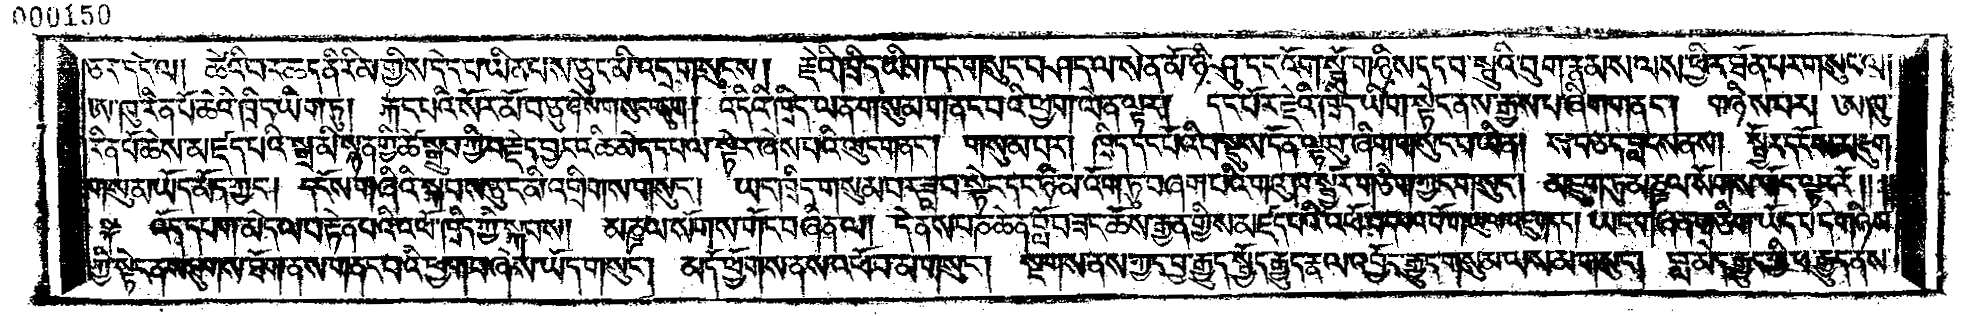ཅར་དེང་ལ། ཚེའི་བར་ཆད་ནི་རིམ་གྱིས་དེང་པ་ཡིན་པས་ཅུང་མི་འདྲ་གསུངས། རྗེའི་ཁྲིད་ཡིག་དང་གསུང་བཤད་ལ་སེན་མོ་ཉི་ཤུ་དང་འོག་སྒོ་གཉིས་དང་བ་སྤུའི་བུག་རྣམས་ལས་ཕྱིར་ཐོན་པར་གསུང་ལ།
ཨ་ཁུ་རིན་པོ་ཆེའི་ཁྲིད་ཡིག་ཏུ། རྐང་པའི་སོར་མོ་བཅུ་ཞེས་གསུང་འདུག །  འདིའི་ཁྲིད་ལན་གསུམ་གནང་བའི་ཕྱག་ལེན་ལྟར། དང་པོར་རྗེའི་ཁྲིད་ཡིག་སྟེང་ནས་རྒྱས་པ་ཞིག་གནང་། གཉིས་པར། ཨ་ཁུ་
རིན་པོ་ཆེས་མཛད་པའི་སྒྲ་མི་སྙན་གྱི་ཚེ་སྒྲུབ་ཀྱི་བརྗེད་བྱང་འཆི་མེད་དཔལ་སྟེར་ཞེས་པའི་ལུང་གནང་། གསུམ་པར། ཁྲིད་དང་པོའི་བསྡུས་དོན་ལྟ་བུ་ཞིག་གསུང་བ་ཡིན། ས་བཅད་བླངས་ནས། སྦྱོར་དངོས་མཇུག་
གསུམ་ཡོད་མོད་ཀྱང་། དངོས་གཞིའི་སྐབས་ཅུང་མི་འགྲིགས་གསུང་། ཡང་ཁྲིད་གསུམ་པར་ཟླ་བ་སྟེང་དང་ཉི་མ་འོག་ཏུ་བཞག་པའི་གའུ་ཁ་སྦྱོར་གཅིག་ཀྱང་གསུང་། མཇུག་ཏུ་མཎྜལ་སོགས་གོང་ལྟར་རོ།། །།
༈ འོད་དཔག་མེད་ལ་བརྟེན་པའི་འཕོ་ཁྲིད་ཀྱི་སྐབས། མཎྜལ་སོགས་གོང་བཞིན་ལ། དེ་ནས་པཎ་ཆེན་བློ་བཟང་ཆོས་རྒྱན་གྱིས་མཛད་པའི་འཕོ་བ་དཔའ་པོ་གཡུལ་འཇུག་དང་། ཡང་གཞན་གཅིག་ཡོད་པ་དེ་གཉིས་
ཀྱི་སྟེང་ནས་ཐུགས་ཐོག་ནས་གནང་པའི་ཕྱག་བཞེས་ཡོད་གསུང་། མདོ་ཕྱོགས་ནས་འཕོ་བ་མ་གསུང་། སྔགས་ནས་ཀྱང་བྱ་རྒྱུད་སྤྱོད་རྒྱུད་རྣལ་འབྱོར་རྒྱུད་གསུམ་ལས་མ་གསུང་། བླ་མེད་རྒྱུད་ཀྱི་ཕ་རྒྱུད་ནས་